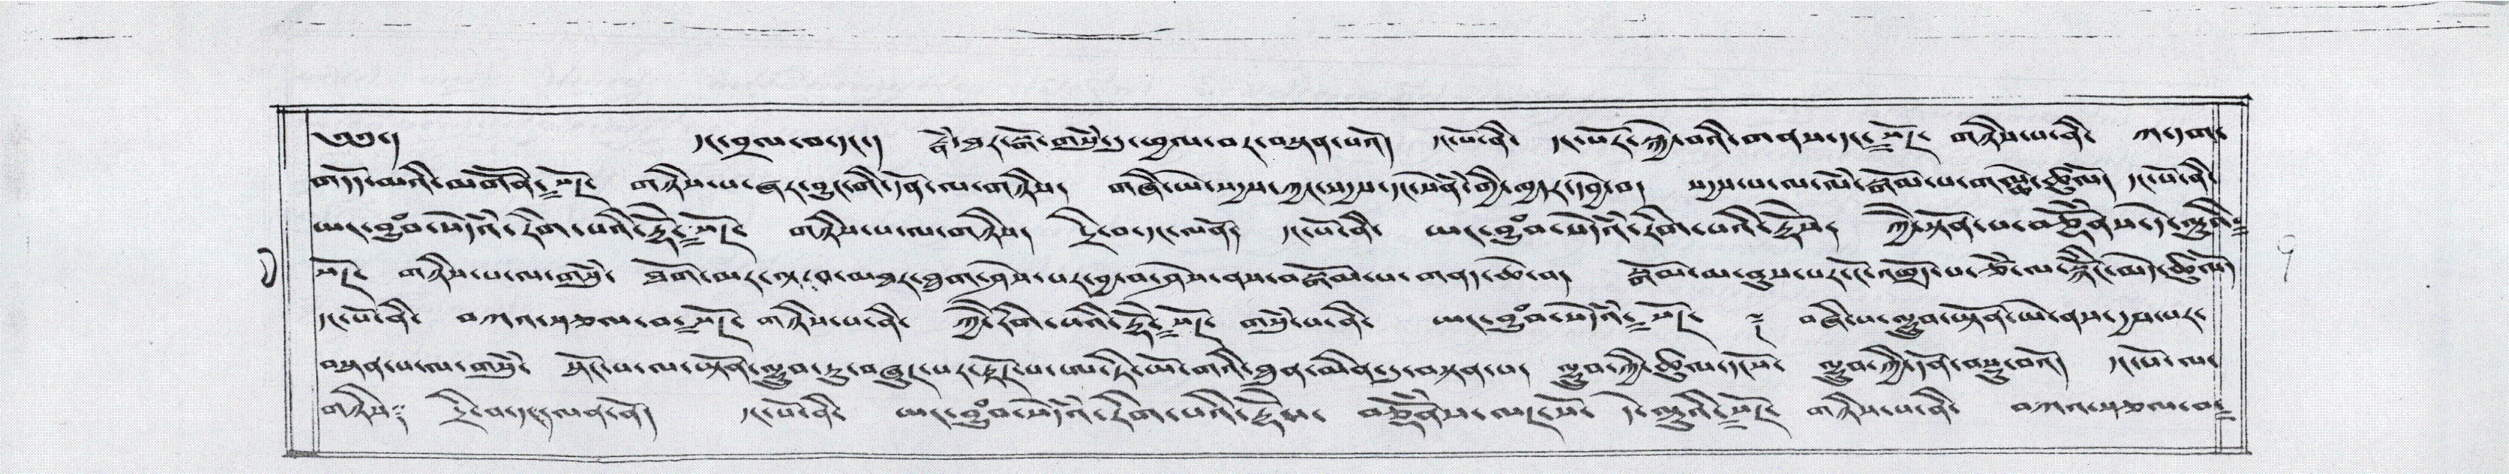དང་བྲལ་བ་དང། རྣམ་ཐར་སྒོ་གསུམ་དུ་ཕྱལ་བར་བསྟན་པའོ། དང་པོ་ནི། དང་པོར་སྐྱེ་བའི་གནས་དང་སོགས། གཉིས་པ་ནི། ཀ་དག་
གདོད་མའི་མགོན་པོ་སོགས། གཉིས་པ་ཞར་བྱུང་གི་དོན་ལ་གཉིས། གཞི་ཡེ་སངས་རྒྱས་ཀྱང་སངས་རྒྱས་དང་སེམས་ཅན་གྱི་ཁྱད་པར་དབྱེ་བ། སངས་རྒྱས་པ་ལ་ལམ་སགོམ་པ་གལ་ཆེ་ཚུལ་ལོ། དང་པོ་ནི། 
ཡང་བྱང་ཆུབ་སེམས་དཔའ་རིག་པའི་རྡོ་རྗེ་སོགས། གཉིས་པ་ལ་གཉིས། དྲི་བ་དང་ལན་ནོ། དང་པོ་ནི། ཡང་བྱང་ཆུབ་སེམས་དཔའི་རིག་པའི་རྡོ་རྗེས་སོ། ཀྱཻ་སྟོན་པ་བཅོམ་ལྡན་འདས་དེ་ལྟ་བུའི་
སོགས། གཉིས་པ་ལ་གསུམ། ཐོག་མར་ལྟ་བ་མཐར་ཐུག་ཤེས་པར་བྱ་བའ་ཤེས་ནས་བསྒོམ་པ་གནད་ཆེ་བ། སྒོམ་མ་ནུས་པར་ངོ་འཕྲོད་པ་ཙམ་ལ་སྙིང་པོ་མེད་ཚུལ་ལོ། 
དང་པོ་ནི། བཀའ་སྩལ་བ་སོགས། གཉིས་པ་ནི། ཀྱཻ་རིག་པའི་རྡོ་རྗེ་སོགས། གསུམ་པ་ནི། ཡང་བྱང་ཆུབ་སེམས་དཔའ་སོགས། ༑ བཞི་པ་ལྷུན་གྲུབ་ཡོན་ཏན་ཡེ་ནས་རྒྱས་པར་
བསྟན་པ་ལ་གསུམ། སྟོང་པ་ལ་ཡོན་ཏན་ལྷུན་གྲུབ་ཏུ་བཞུགས་པར་རྟོགས་པ་ཨ་ཏི་ཡོ་གའི་ཐུན་མིན་དུ་བསྟན་པ། ལྷུན་གྲུབ་ཀྱི་ཚུལ་དངོས། ལྷུན་གྲུབ་ཀྱི་དོན་བསྡུ་བའོ། དང་པོ་ལ་
གཉིས། དྲི་བ་དང་ལན་ནོ། དང་པོ་ནི། ཡང་བྱང་ཆུབ་སེམས་དཔའ་རིག་པའི་རྡོ་རྗེས། བཅོམ་ལྡན་འདས་ལགས་སོ། དེ་ལྟ་བུའི་སོགས། གཉིས་པ་ནི། བཀའ་སྩལ་བ་